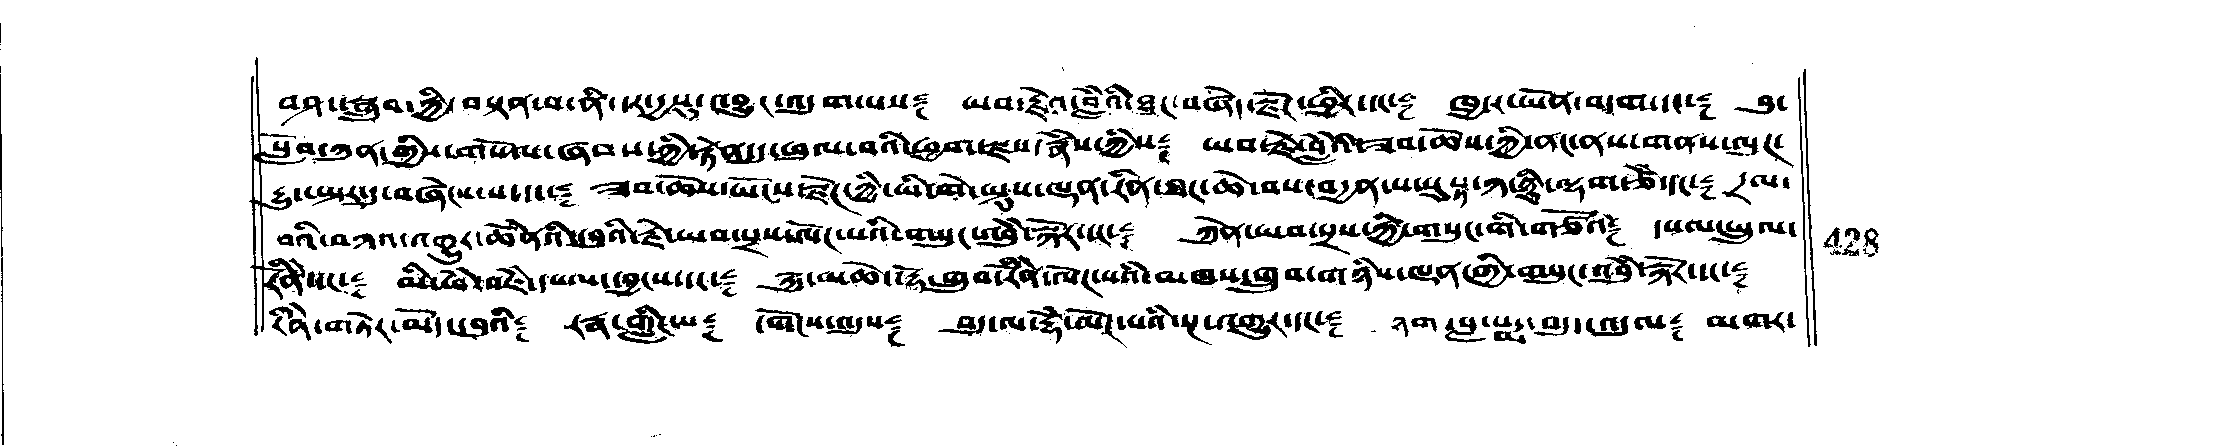བཤད་སྒྲུབ་ཀྱི་བསྟན་པ་ནི་དར་རྒྱས་སུ་བྱུང་འདུག་པས། ཡབ་རྗེའི་བླ་མའི་ཐུགས་བཞེད་རྫོགས་ཕྱིར་དང་། ཁྱད་པར་ཡོན་བདག་དང་། བུ་
སློབ་ཀུན་གྱིས་གསོལ་ཞབས་ཀྱི་རྟེན་དུ་ཕུལ་བའི་ཕྱག་རྫས་རྣམས་ཀྱིས། ཡབ་རྗེ་བླ་མའི་ཟབ་ཆོས་ཀྱི་ནང་ནས་གནས་ལུགས་
རྒྱུད་སྤར་དུ་བཞེངས་པ་དང་།ཟབ་ཆོས་ཡོངས་རྫོགས་ཀྱི་ཡི་གེ་སྤུས་ལྡན་རིན་ཐང་ཆེ་བས་བརྒྱན་པ་པུསྟི་ཀ་ཉི་ཤུ་ལྷག་ཙམ་དང་། རྒྱལ་
བའི་བཀའ་འགྱུར་ཆེན་པོའི་དབུས། རྗེ་ཡབ་སྲས་ལ་སོགས་པའི་གསུང་འབུམ་སྐོར་དང་། ཀུན་མཁྱེན་ཡབ་སྲས་ཀྱི་གསུང་གི་གཙོས། དཔལ་སྤྲུལ་
རིན་པོ་ཆེ་དང་། མི་ཕམ་འཇམ་དཔལ་དབྱངས་དང་། སྐུ་མཆེད་རྡོ་གྲུབ་རིན་པོ་ཆེ་ལ་སོགས་པའི་མཁས་གྲུབ་གཉིས་ལྡན་གྱི་གསུང་འབུམ་སྐོར་དང་། 
རིན་ཆེན་གཏེར་མཛོད་དབུས། རཏྣ་གླིང་པ། དགོངས་འདུས། བདུད་འདུལ་རྡོ་རྗེ་ལ་སོགས་པའི་སྔ་འགྱུར་དང་། ཉག་བླ་པདྨ་བདུད་འདུལ། མགར་